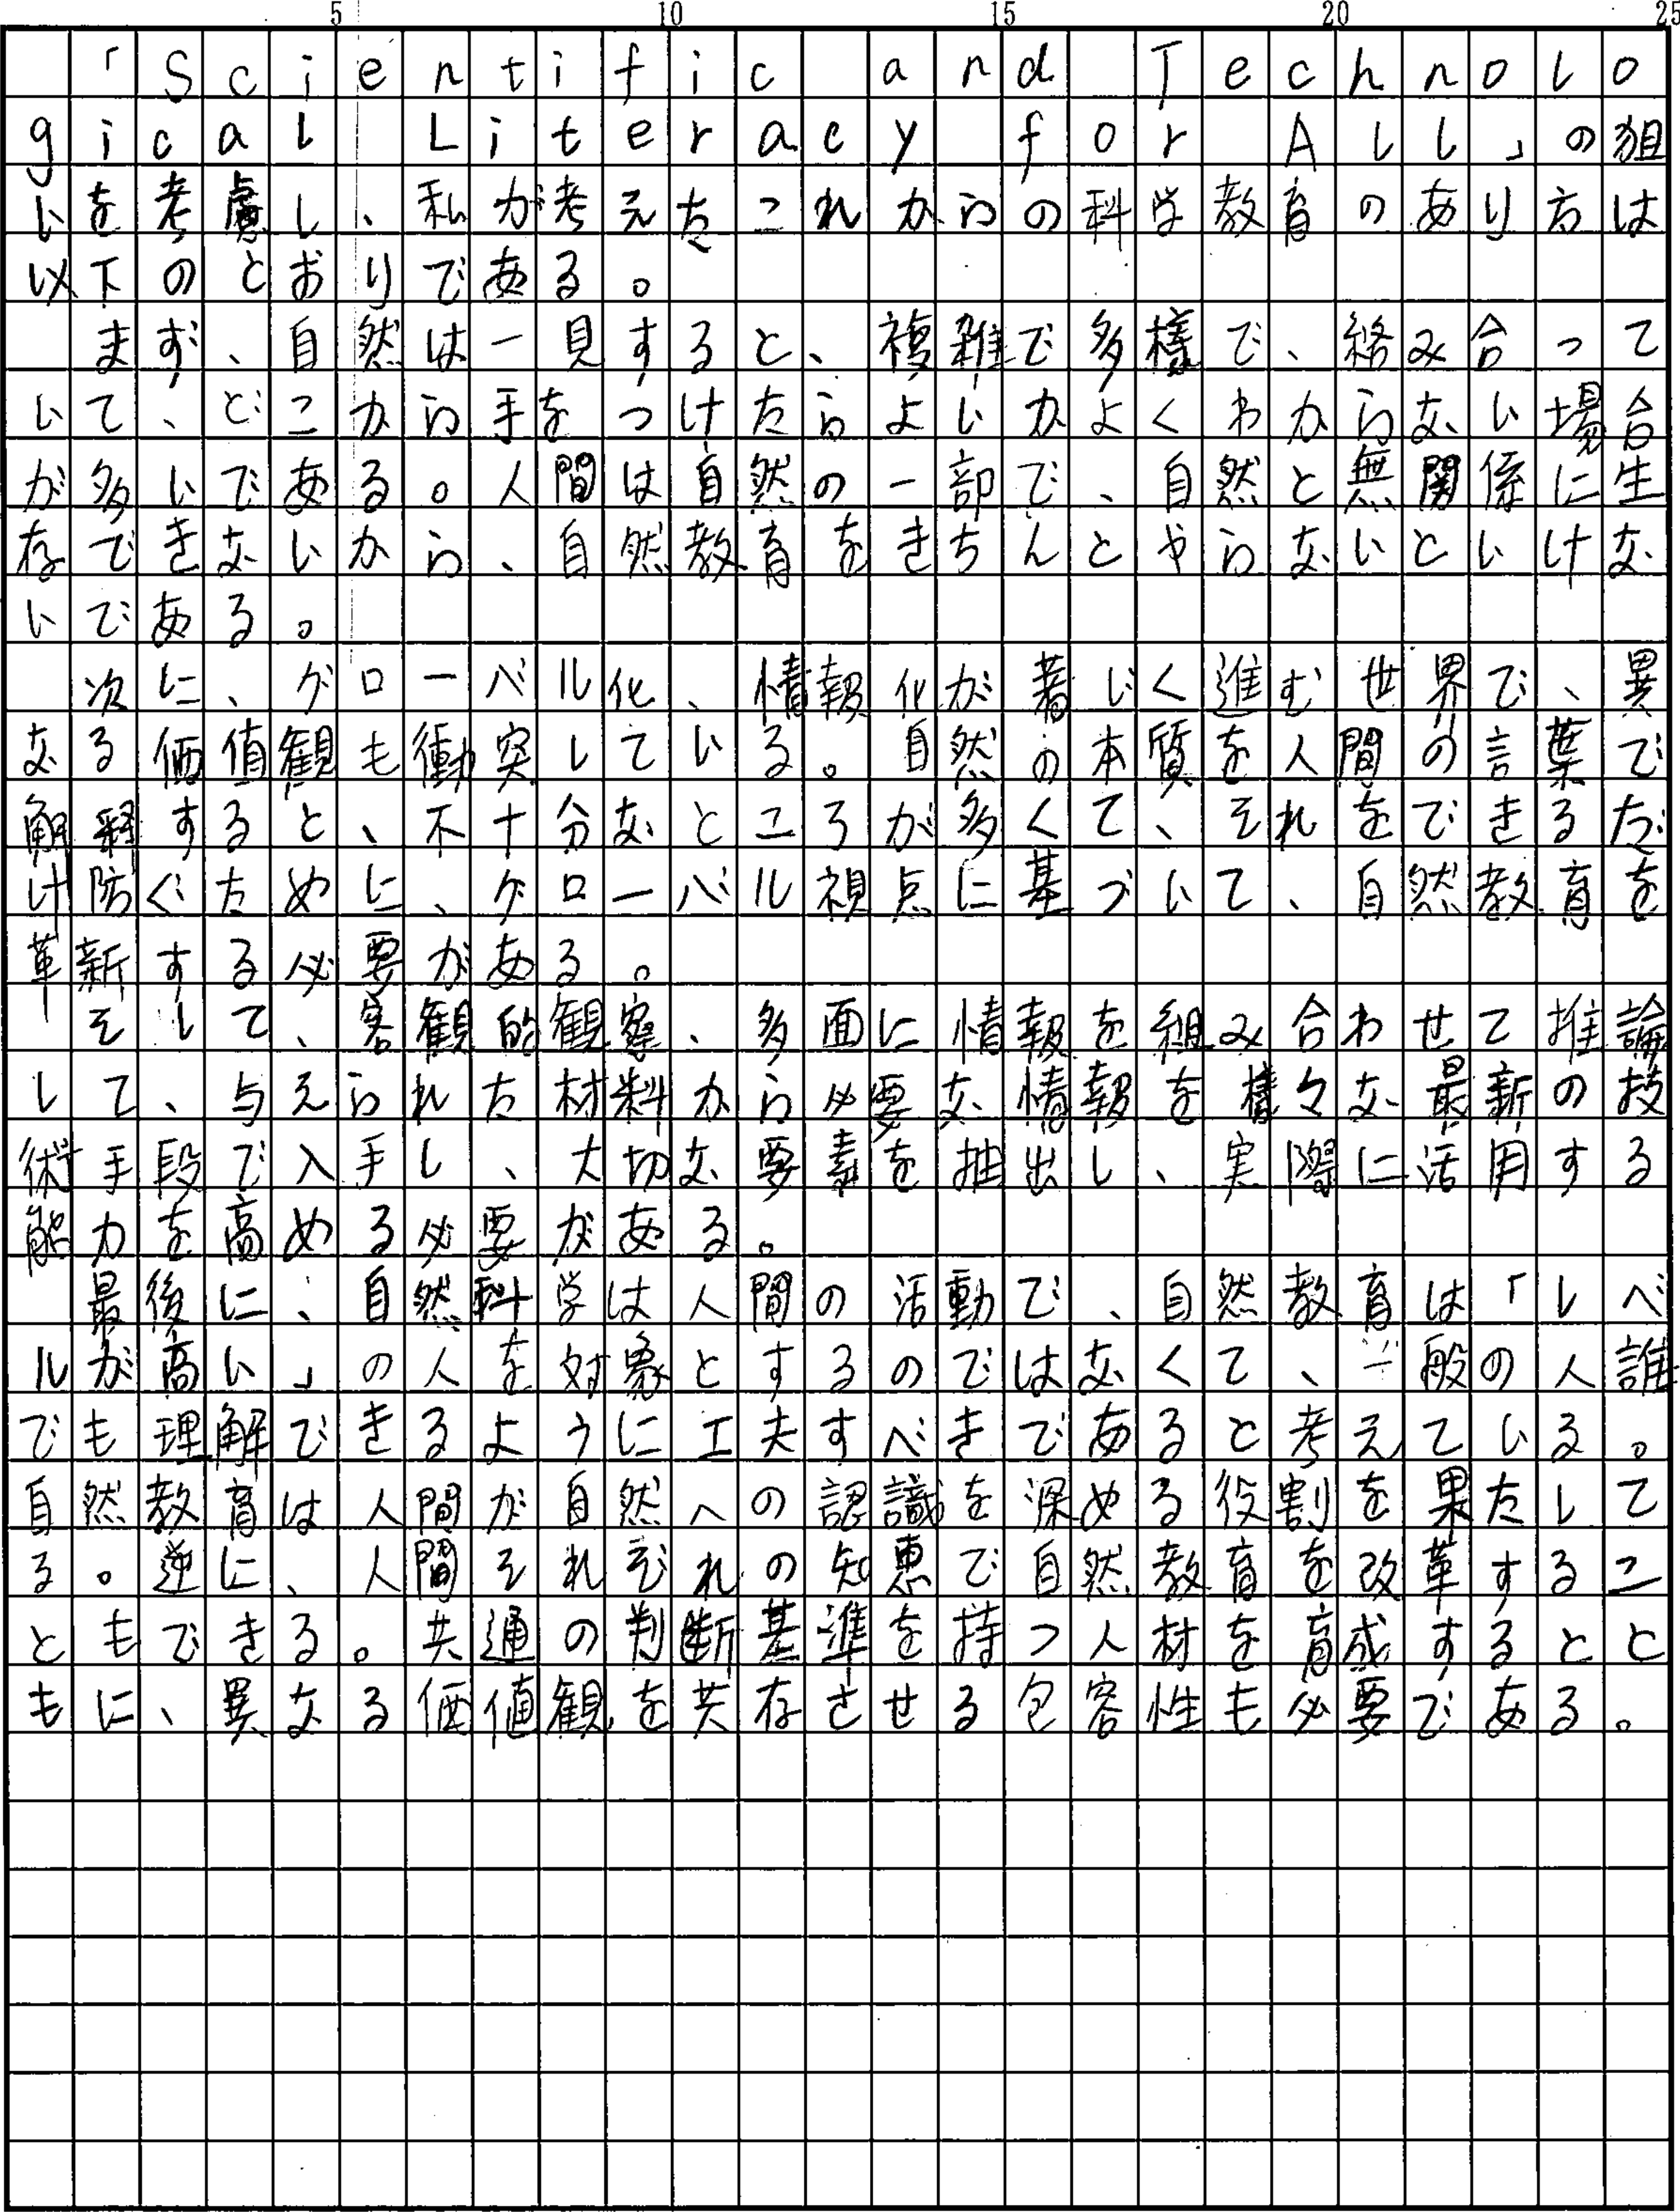　「Ｓｃｉｅｎｔｉｆｉｃ　ａｎｄ　Ｔｅｃｈｎｏｌｏｇｉｃａｌ　Ｌｉｔｅｒａｃｙ　ｆｏｒ　Ａｌｌ」の狙いを考慮し、私が考えたこれからの科学教育のあり方は以下のとおりである。
　まず、自然は一見すると、複雑で多様で、絡み合っていて、どこから手をつけたらよいかよくわからない場合が多いである。人間は自然の一部で、自然と無関係に生存できないから、自然教育をきちんとやらないといけないである。
　次に、グローバル化、情報化が著じく進む世界で、異なる価値観も▁突している。自然の本質を人間の言葉で解▁すると、不十分なところが多くて、それをできるだけ防ぐために、グローバル視点に基づいて、自然教育を革新する必要がある。
　そして、客観的観察、多面に情報を組み合わせて推論して、▁えられた材料から必要な情報を様々な最新の技術手段で入手し、大切な要素を抽出し、実際に活用する能力を高める必要がある。
　最後に、自然科学は人間の活動で、自然教育は「レベルが高い」の人を対象とするのではなくて、一般の人誰でも理解できるように工夫すべきであると考えている。自然教育は人間が自然への認識を深める役割を果たしてる。逆に、人間それぞれの知恵で自然教育を改革することもできる。共通の判断基準を持つ人材を育成するとともに、異なる価値観を共存させる包容性も必要である。
